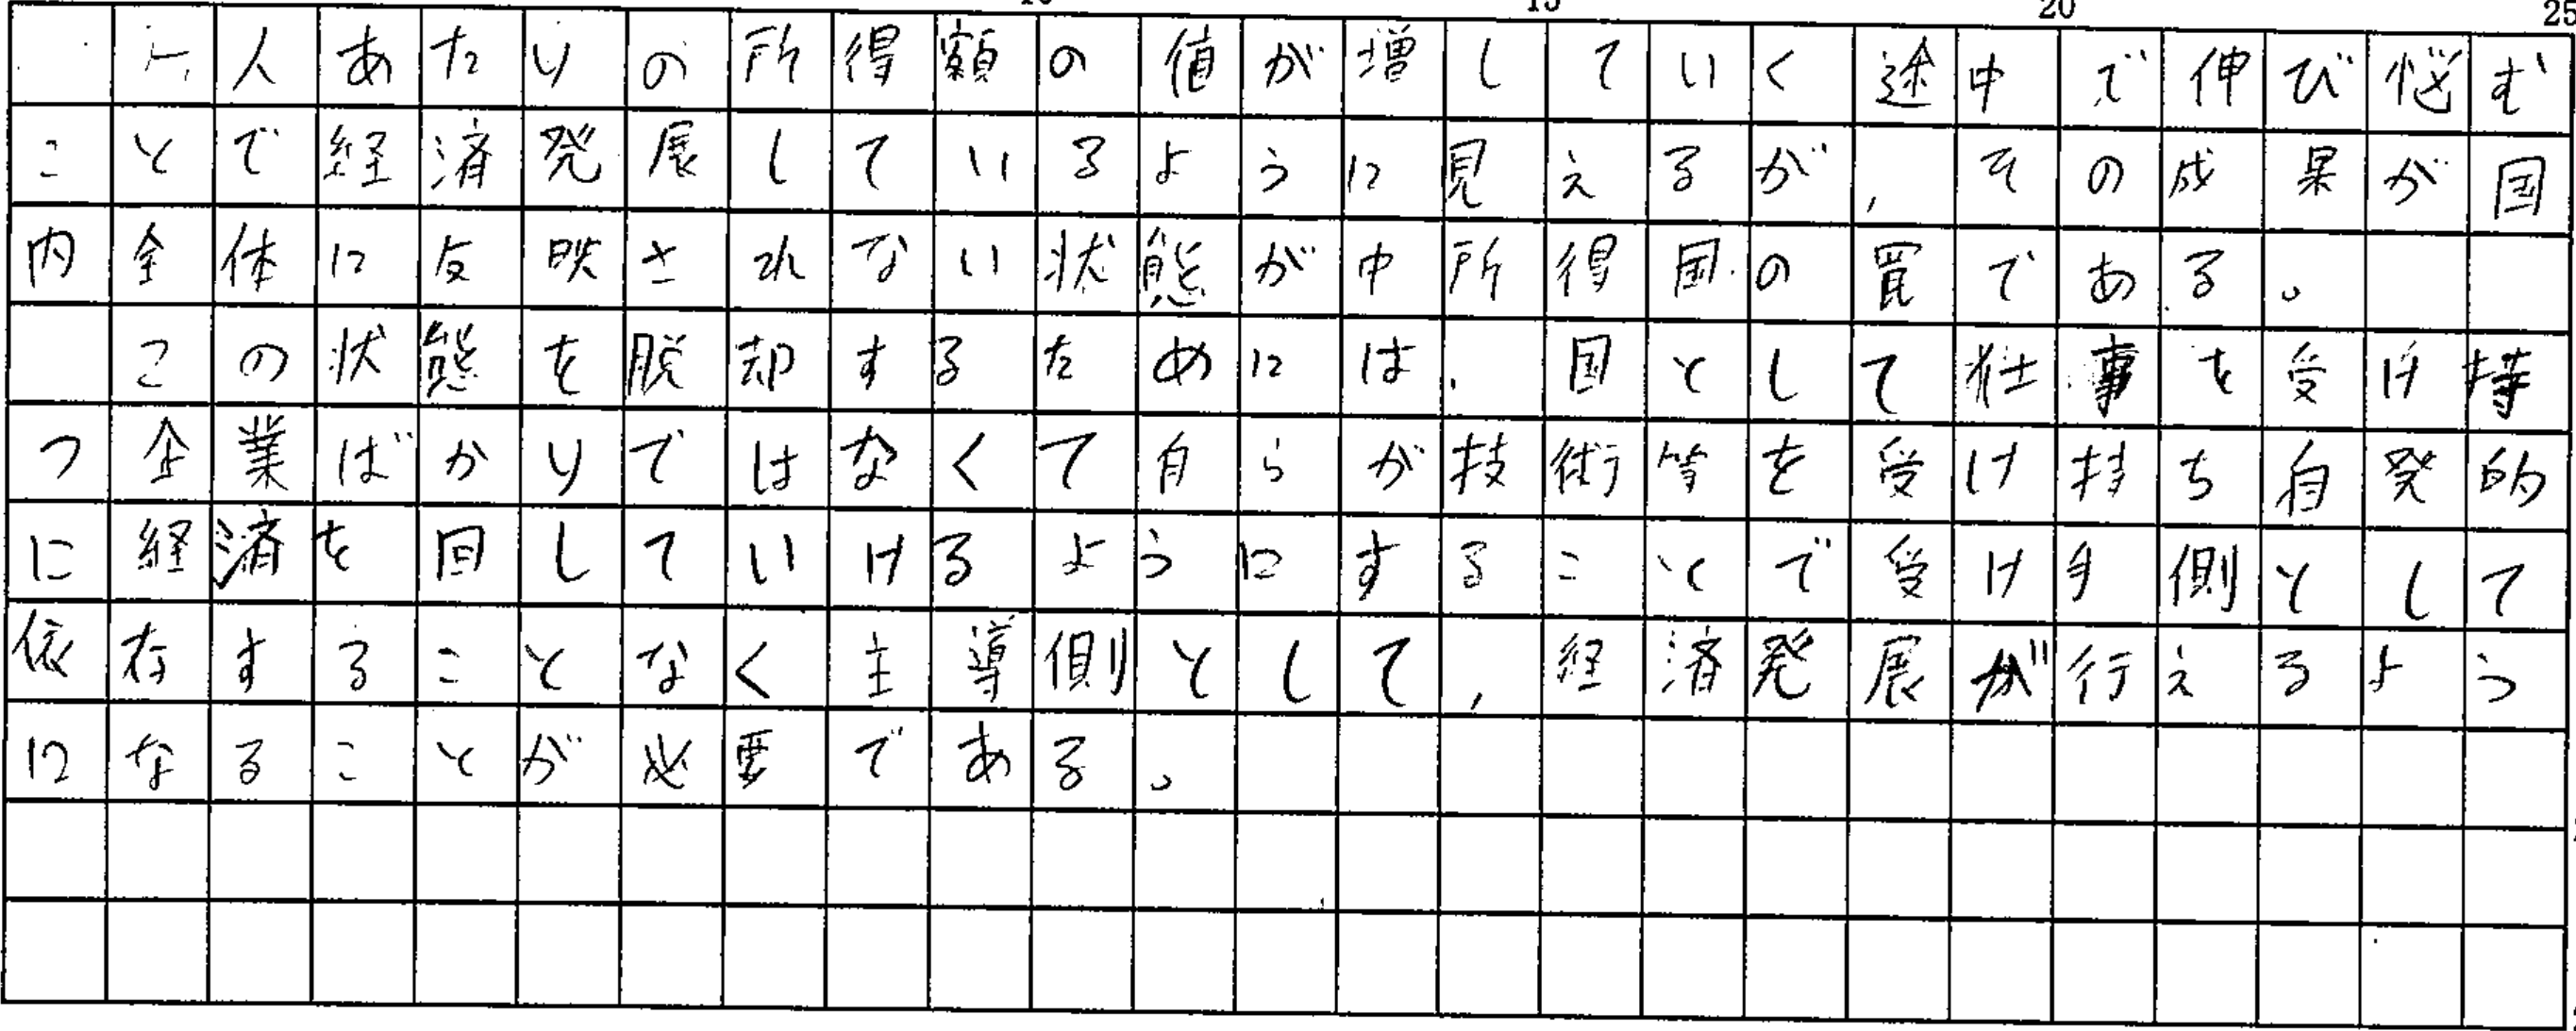　一人あたりの所得額の値が増していく途中で伸び悩むことで経済発展しているように見えるが，その成果が国内全体に反映されない状態が中所得国の罠である。
　この状態を脱却するためには，国として仕事を受け持つ企業ばかりではなくて自らが技術等を受け持ち自発的に経済を回していけるようにすることで受け手側として依存することなく主導側として，経済発展が行えるようになることが必要である。
